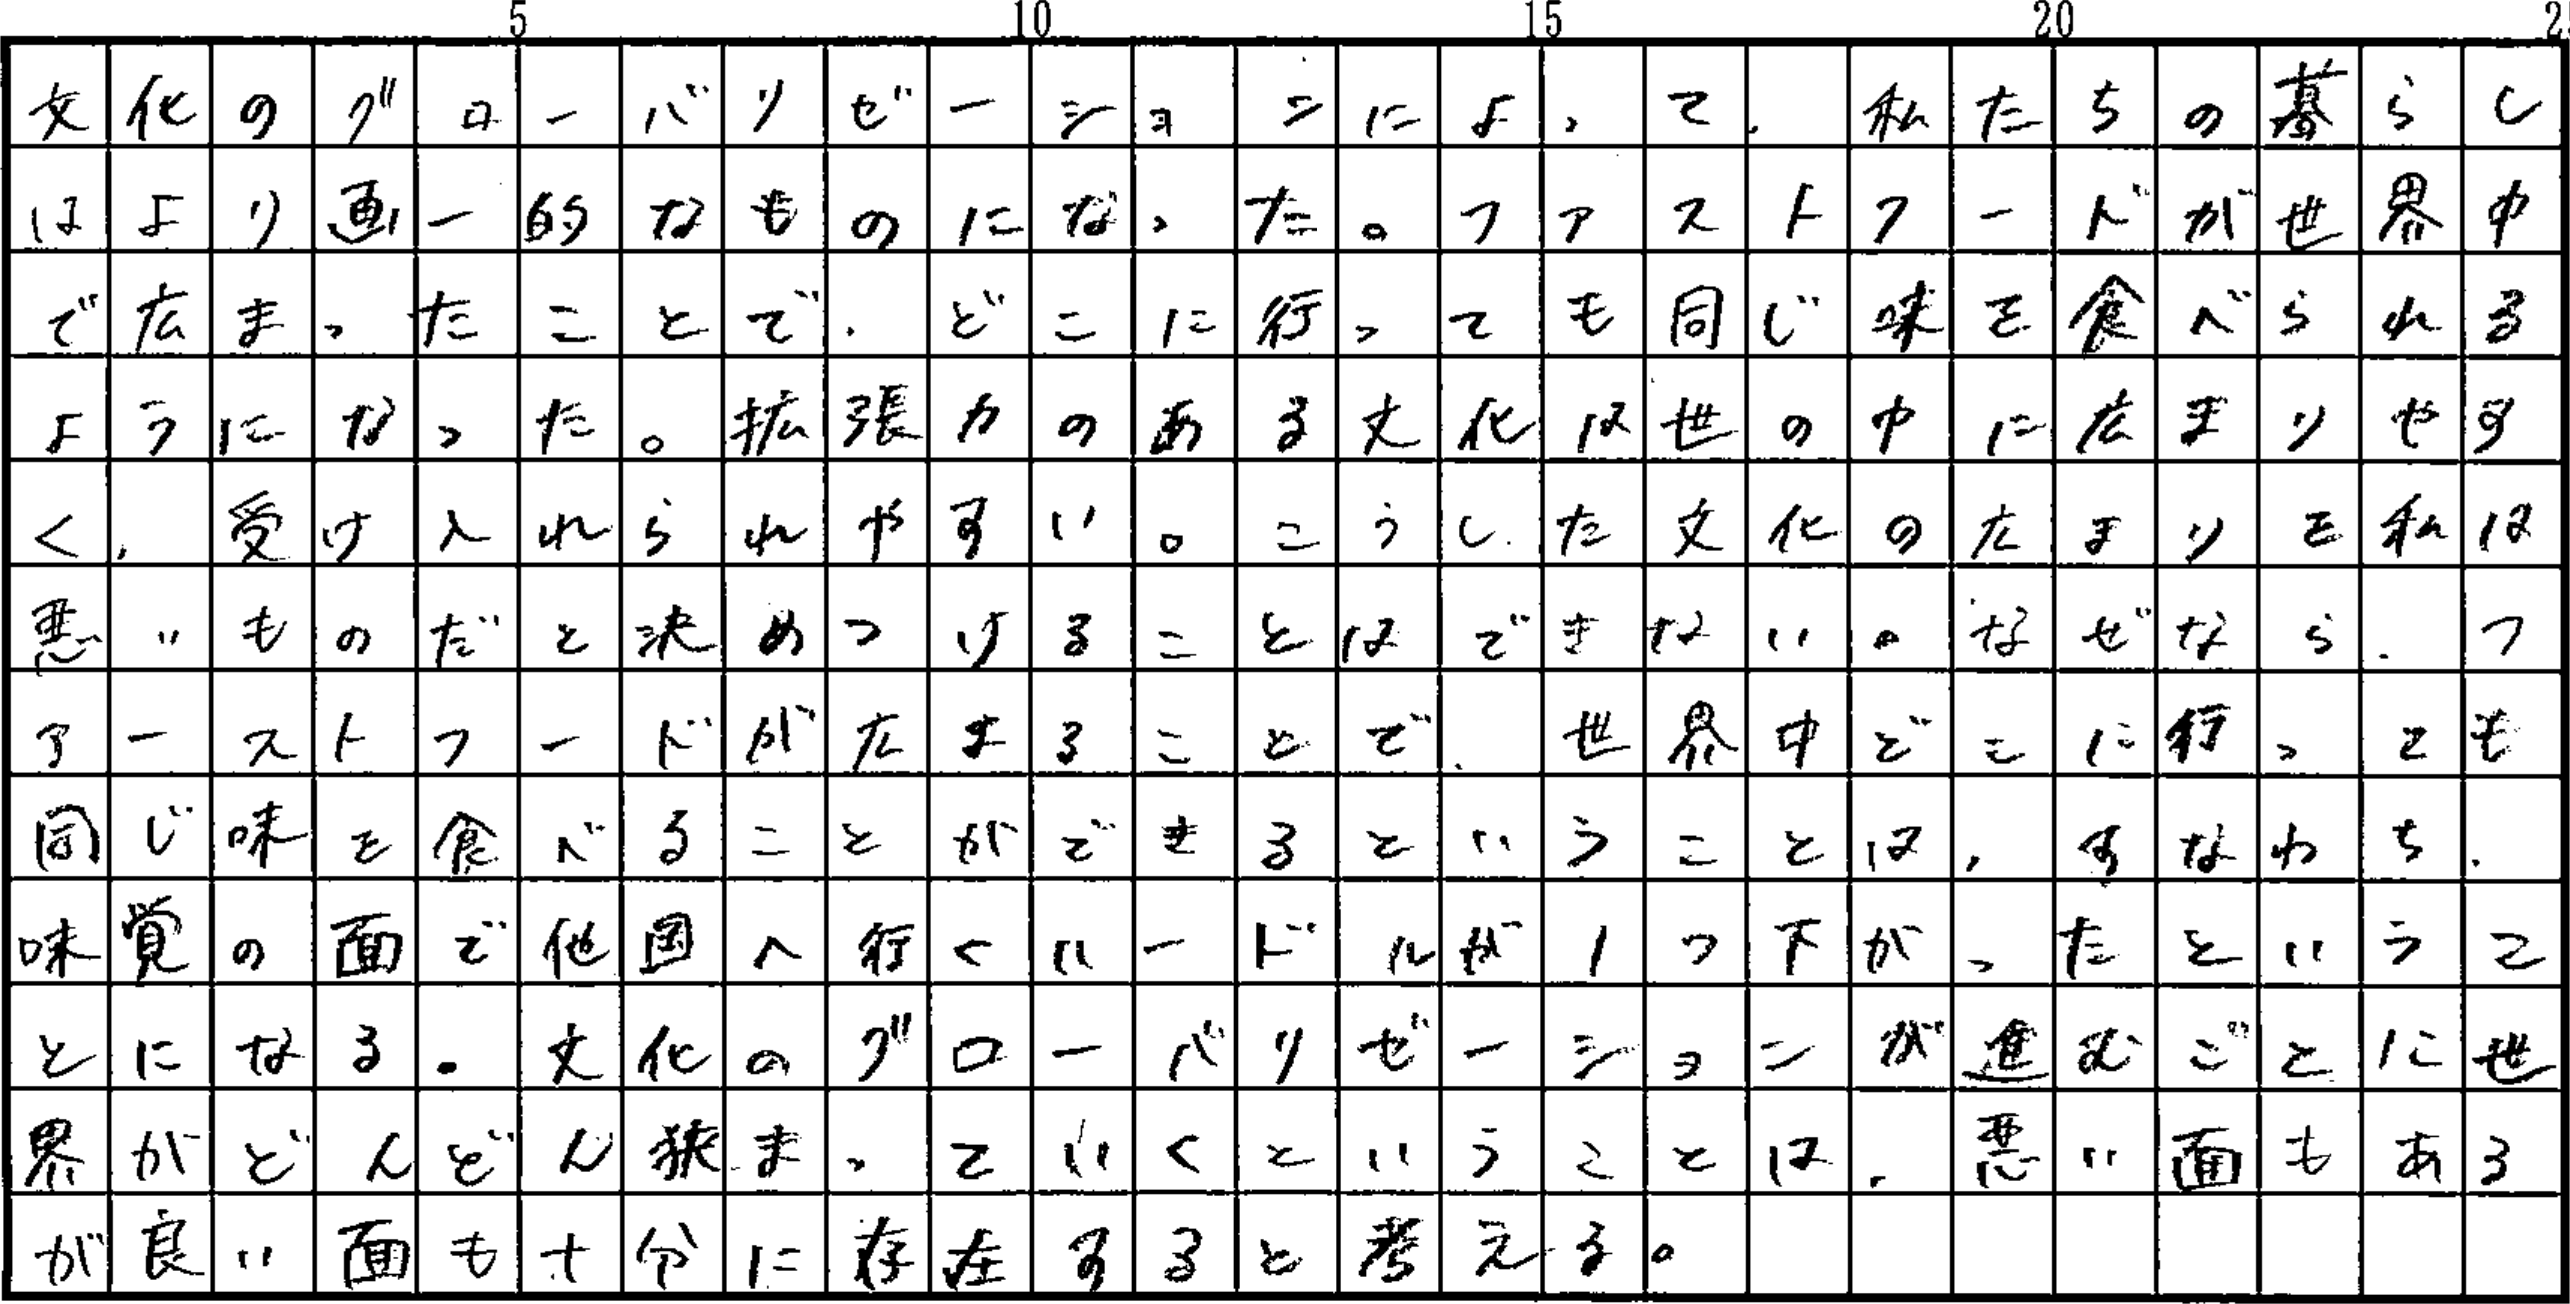文化のグローバリゼーションによって、私たちの暮らしはより画一的なものになった。ファストフードが世界中で広まったことで、どこに行っても同じ味を食べられるようになった。拡張力のある文化は世の中に広まりやすく、受け入れられやすい。こうした文化の広まりを私は悪いものだと決めつけることはできない。なぜなら、ファーストフードが広まることで、世界中どこに行っても同じ味を食べることができるということは、すなわち、味覚の面で他国へ行くハードルが１つ下がったということになる。文化のグローバリゼーションが進むごとに世界がどんどん狭まっていくということは、悪い面もあるが良い面も十分に存在すると考える。
